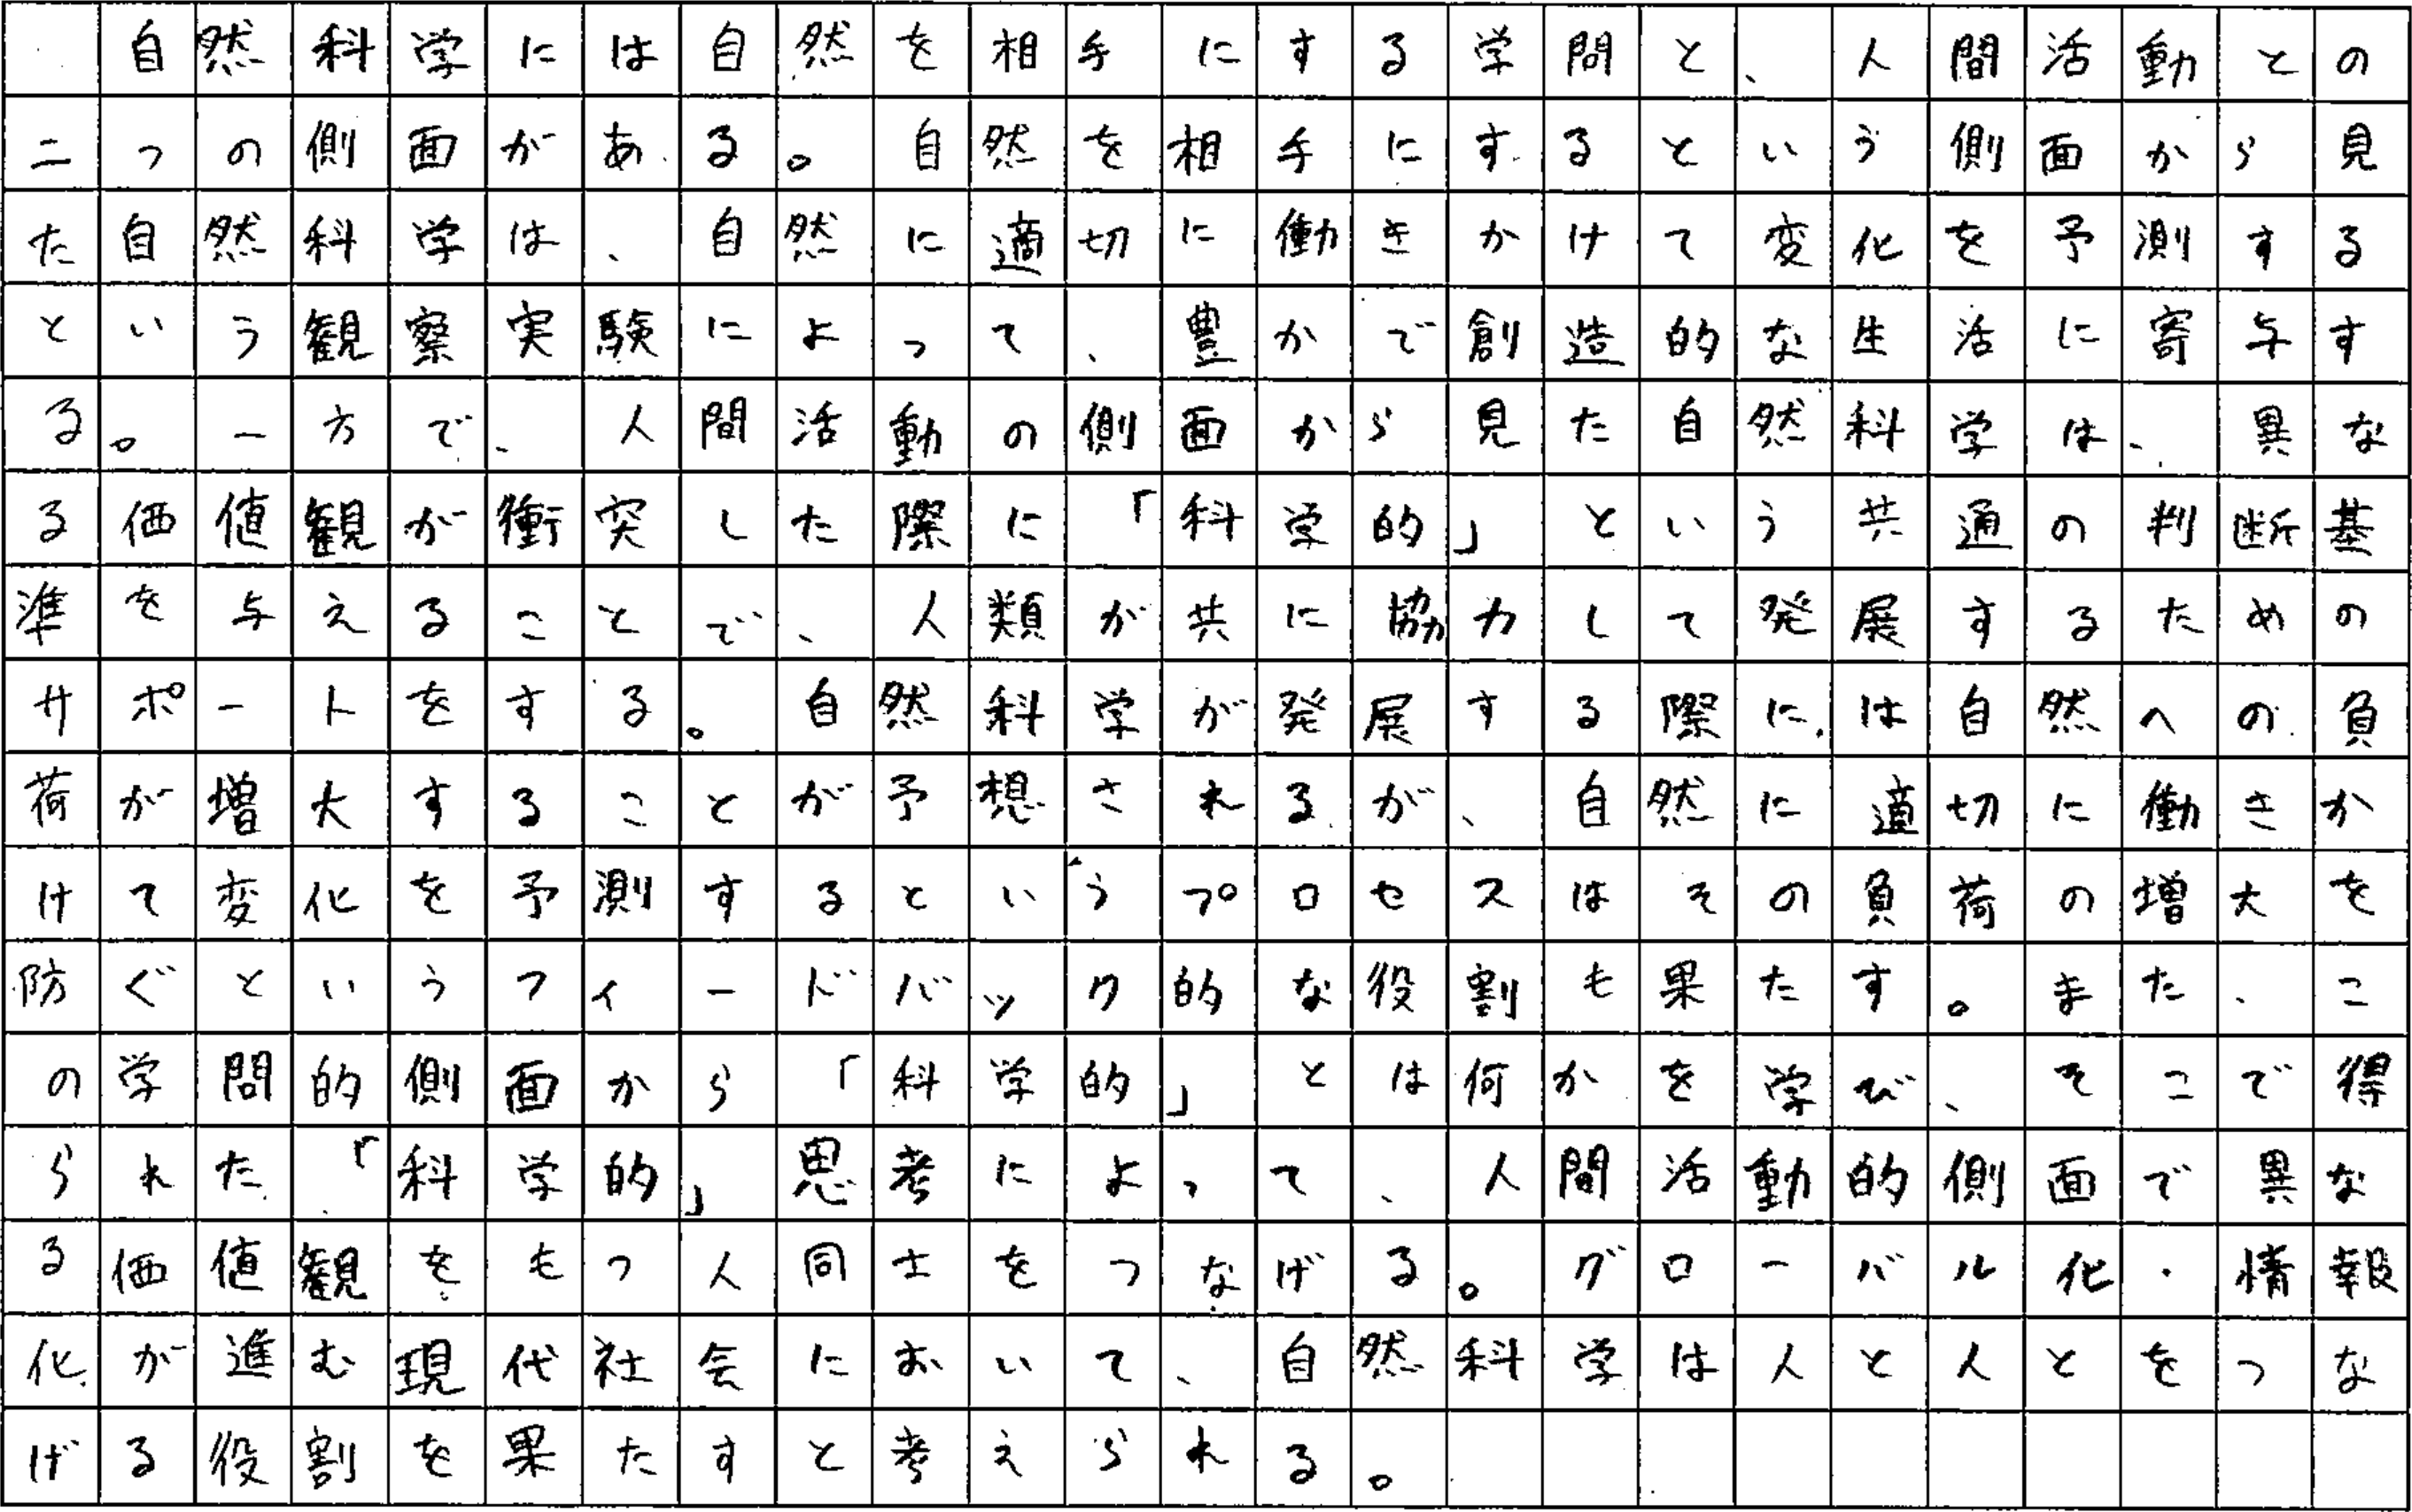　自然科学には自然を相手にする学問と、人間活動との二つの側面がある。自然を相手にするという側面から見た自然科学は、自然に適切に働きかけて変化を予測するという観察実験によって、豊かで創造的な生活に寄与する。一方で、人間活動の側面から見た自然科学は、異なる価値観が衝突した際に「科学的」という共通の判断基準を与えることで、人類が共に協力して発展するためのサポートをする。自然科学が発展する際には自然への負荷が増大することが予想されるが、自然に適切に働きかけて変化を予測するというプロセスはその負荷の増大を防ぐというフィードバック的な役割も果たす。また、この学問的側面から「科学的」とは何かを学び、そこで得られた「科学的」思考によって、人間活動的側面で異なる価値観をもつ人同士をつなげる。グローバル化・情報化が進む現代社会において、自然科学は人と人とをつなげる役割を果たすと考えられる。
